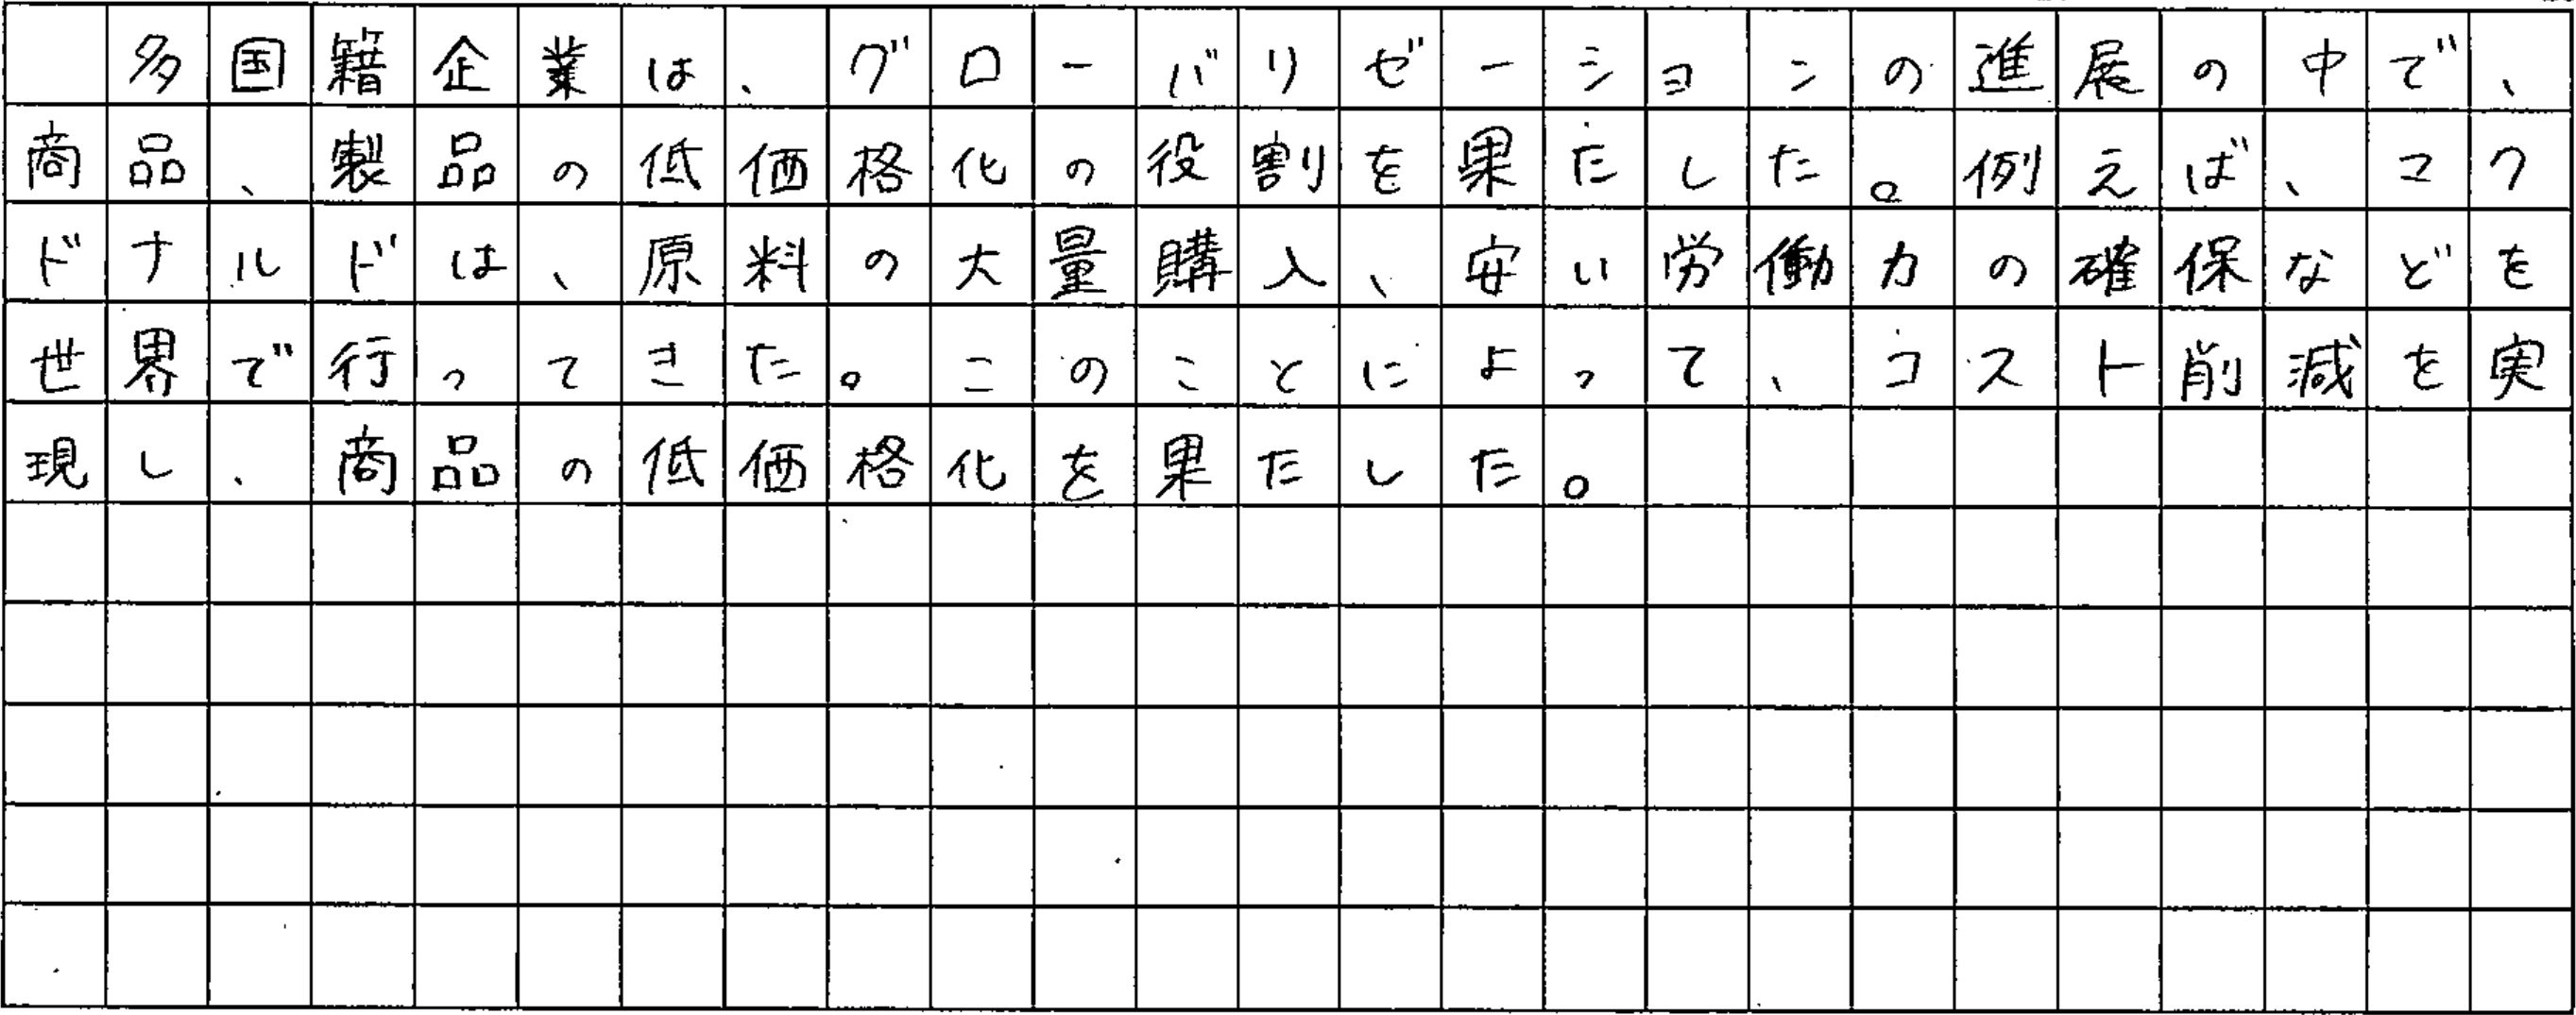　多国籍企業は、グローバリゼーションの進展の中で、商品、製品の低価格化の役割を果たした。例えば、マクドナルドは、原料の大量購入、安い労働力の確保などを世界で行ってきた。このことによって、コスト削減を実現し、商品の低価格化を果たした。
